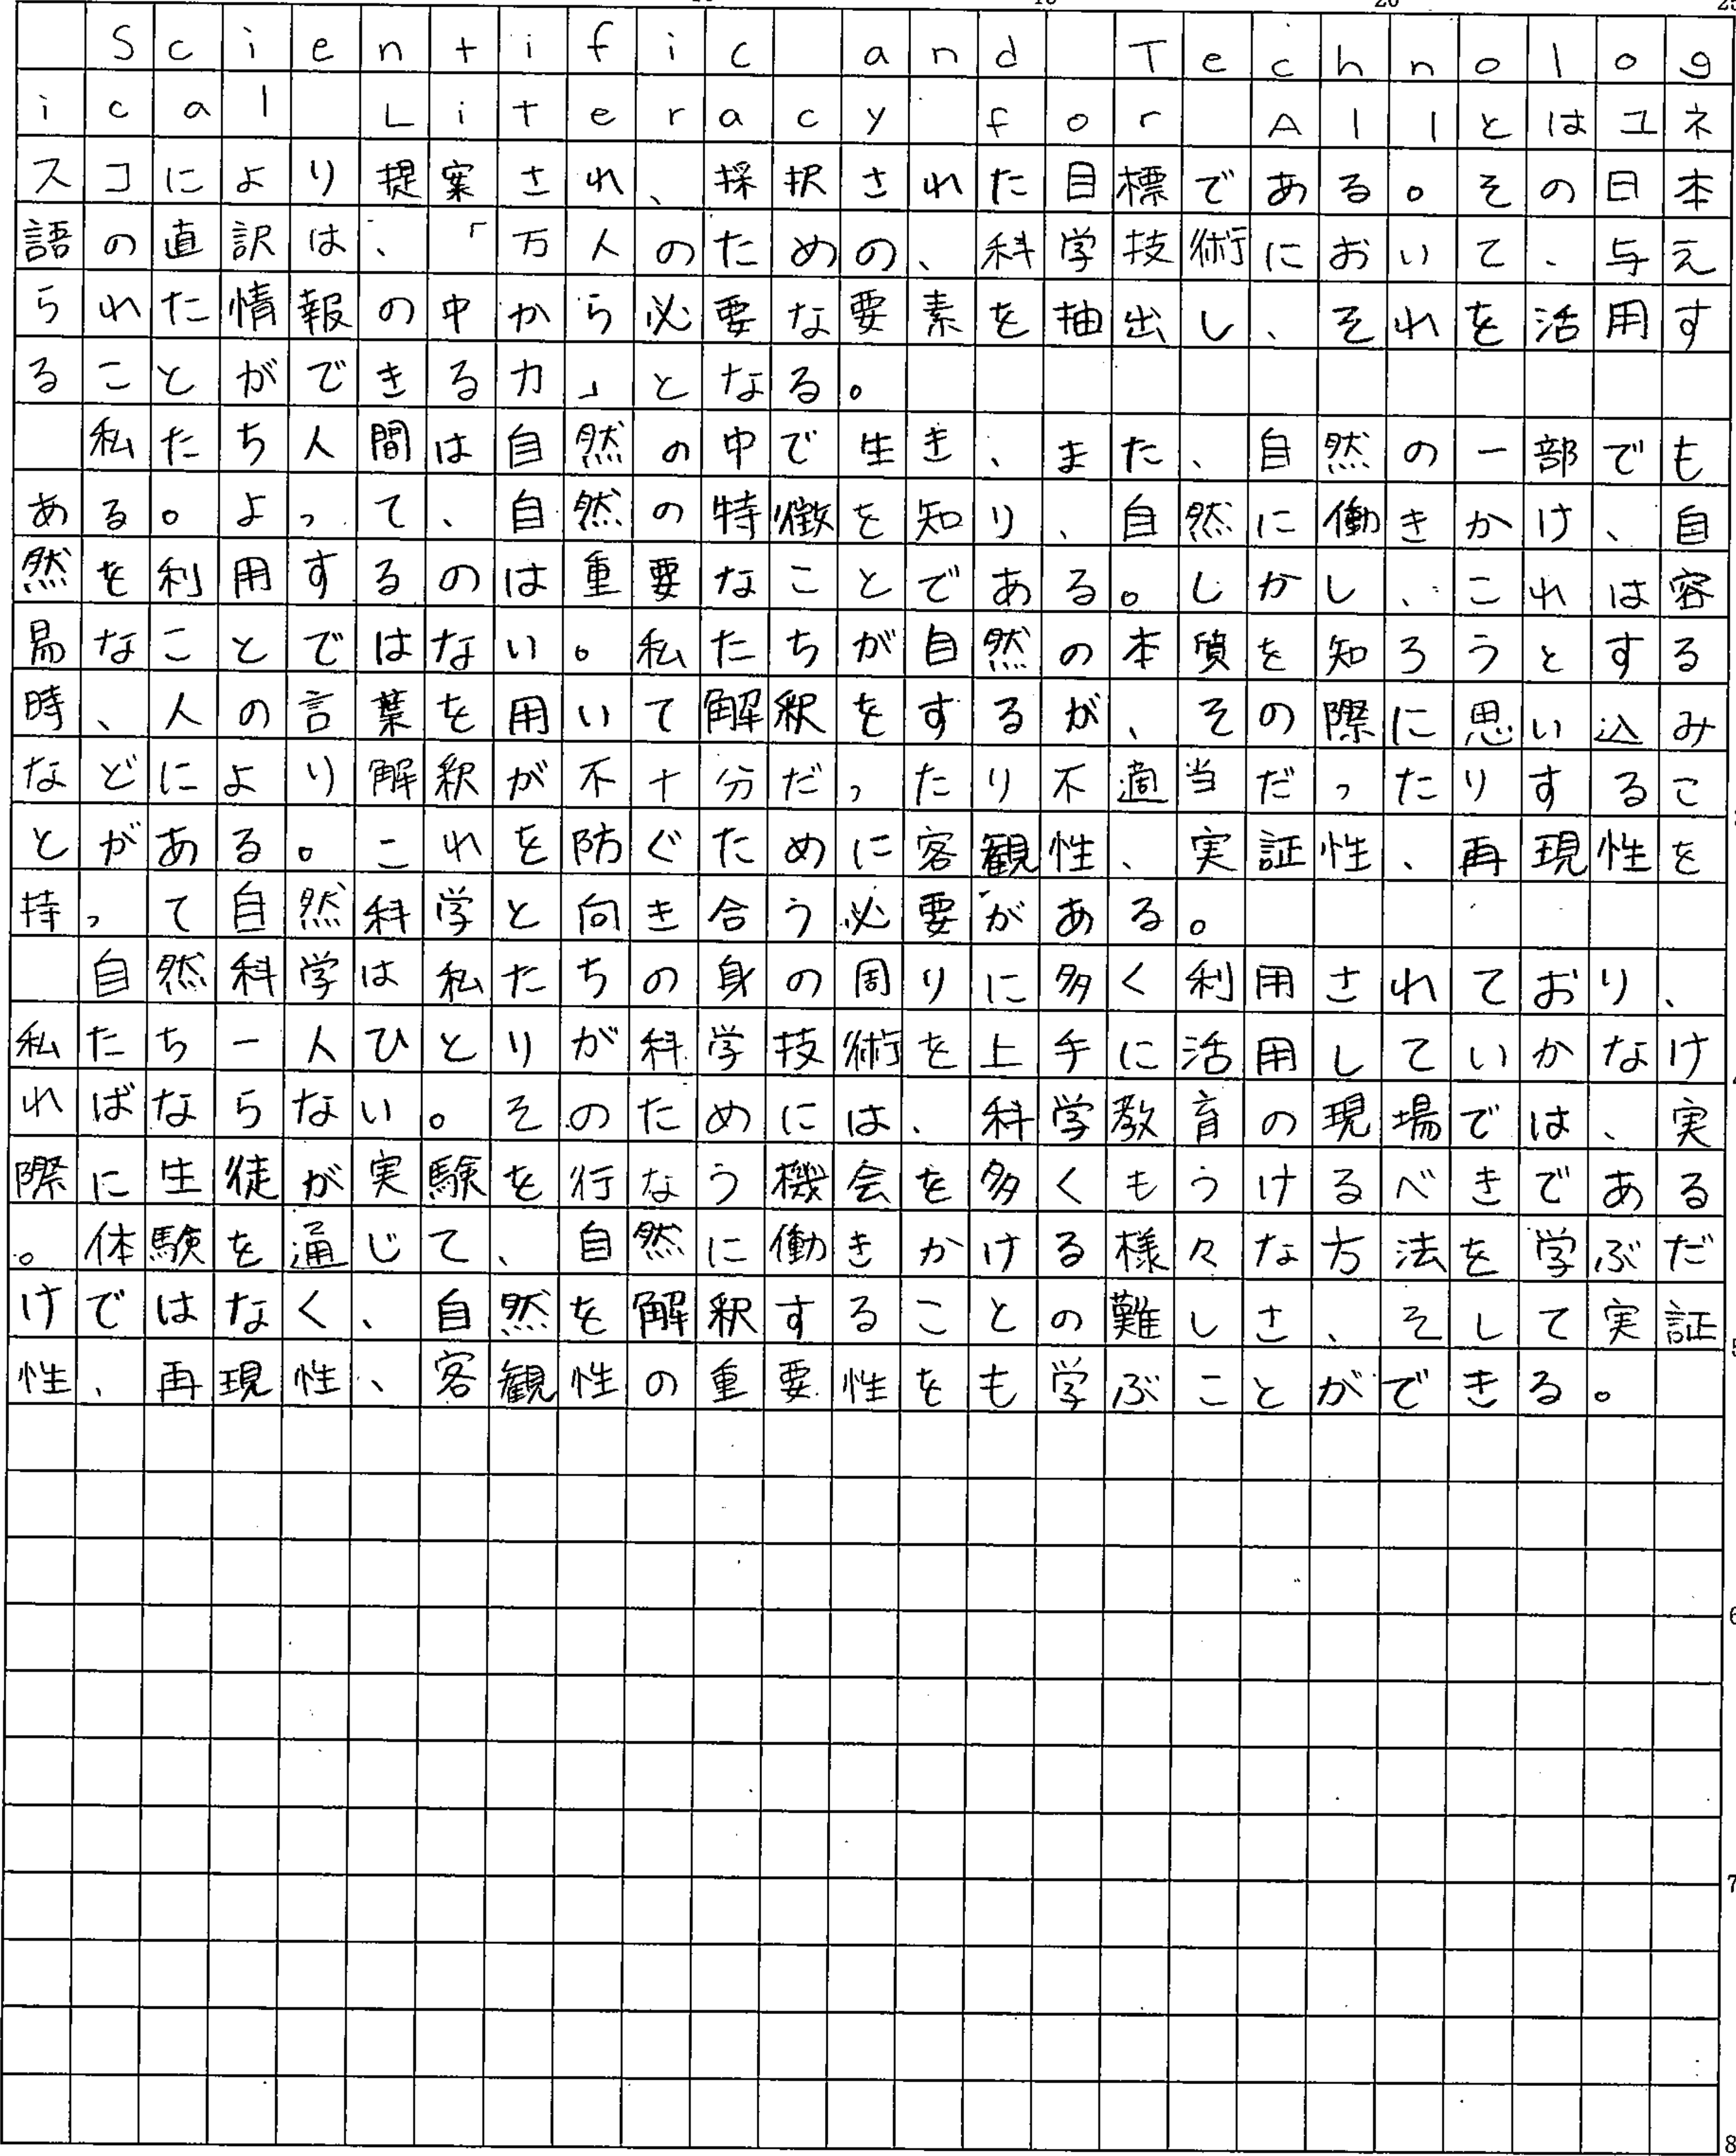　Ｓｃｉｅｎｔｉｆｉｃ　ａｎｄ　Ｔｅｃｈｎｏｌｏｇｉｃａｌ　Ｌｉｔｅｒａｃｙ　ｆｏｒ　Ａｌｌとはユネスコにより提案され、採択された目標である。その日本語の直訳は、「万人のための、科学技術において、与えられた情報の中から必要な要素を抽出し、それを活用することができる力」となる。
　私たち人間は自然の中で生き、また、自然の一部でもある。よって、自然の特徴を知り、自然に働きかけ、自然を利用するのは重要なことである。しかし、これは容易なことではない。私たちが自然の本質を知ろうとする時、人の言葉を用いて解釈をするが、その際に思い込みなどにより解釈が不十分だったり不適当だったりすることがある。これを防ぐために客観性、実証性、再現性を持って自然科学と向き合う必要がある。
　自然科学は私たちの身の周りに多く利用されており、私たち一人ひとりが科学技術を上手に活用していかなければならない。そのためには、科学教育の現場では、実際に生徒が実験を行なう機会を多くもうけるべきである。体験を通じて、自然に働きかける様々な方法を学ぶだけではなく、自然を解釈することの難しさ、そして実証性、再現性、客観性の重要性をも学ぶことができる。
